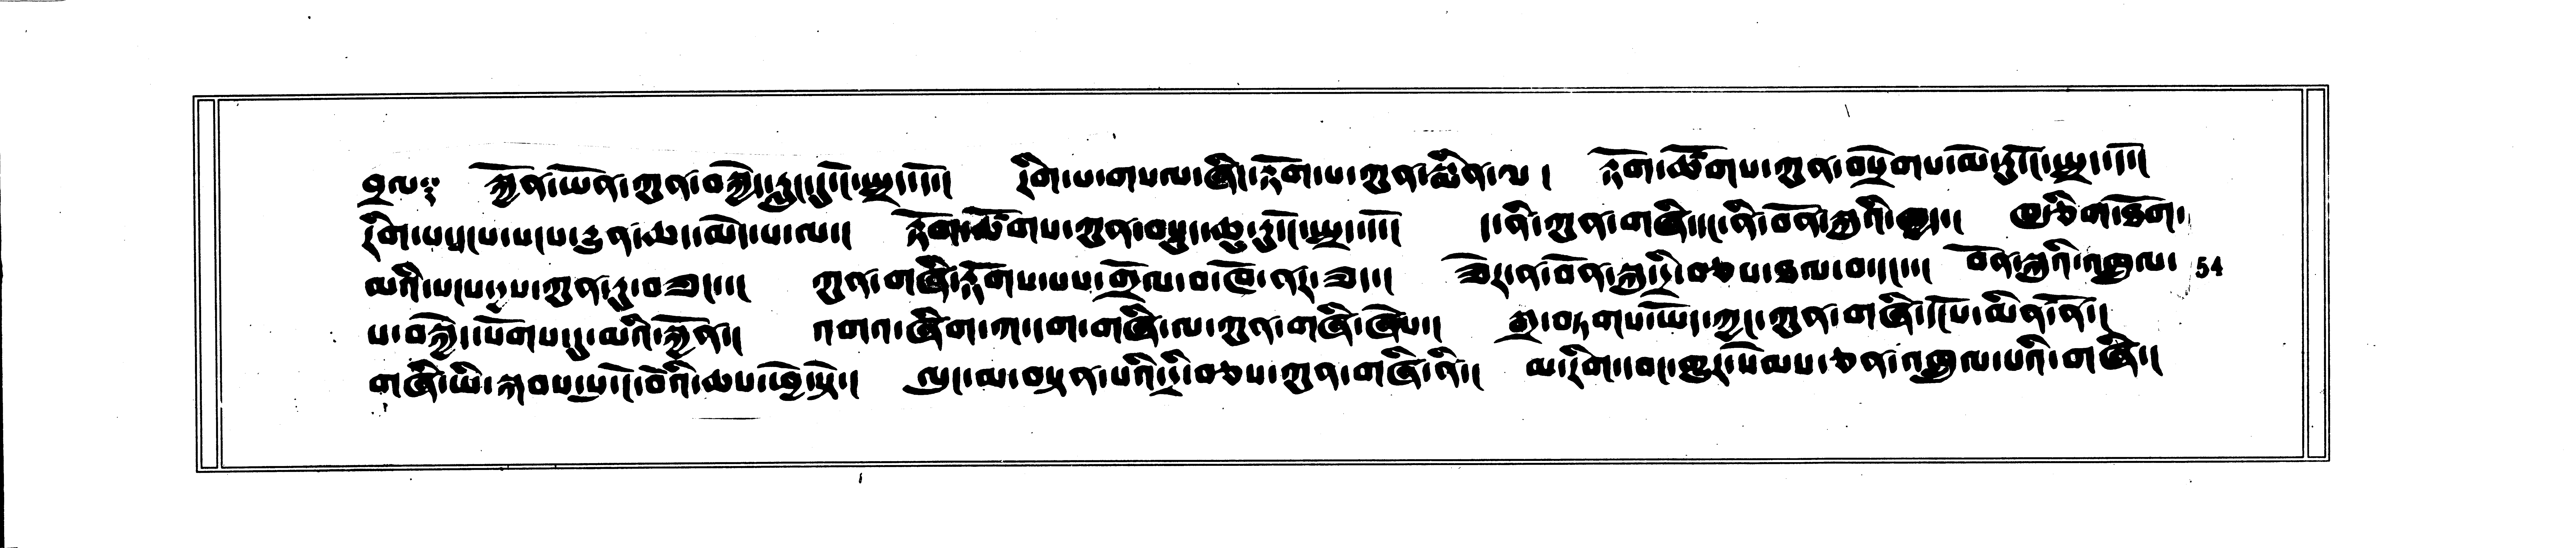བྲལ། །སྐྱོན་ཡོན་ཀུན་བསྐྱེད་རླུང་དུ་ངོ་སྤྲད་དོ། །རིག་པ་གསལ་ཞིང་རྟོག་པ་ཀུན་སྨིན་ལ། །རྟོག་ཚོགས་ཀུན་བསྲེགས་མེ་རུ་ངོ་སྤྲད་དོ། །
རིག་པ་དངས་སངས་རྒྱུན་ཆད་མེད་པ་ལ། །རྟོག་ཚོགས་ཀུན་སྡུད་ཆུ་རུ་ངོ་སྤྲད་དོ། །ད་ནི་ཀུན་གཞི་དང་ནི་བོན་སྐུའི་ཁྱད། །ཁ་ཅིག་ཐོག་
མའི་སངས་རྒྱས་ཀུན་ཏུ་བཟང་། །ཀུན་གཞི་རྟོགས་པས་གྲོལ་བ་ཁོ་ནར་ཟད། །ཟེར་ན་བོན་སྐུ་དྲི་བཅས་ཐལ་བ་དང་། །བོན་སྐུའི་འཁྲུལ་
པ་བསྐྱེད་སོགས་དུ་མའི་སྐྱོན། །འགའ་ཞིག་ཀ་དག་གཞི་ལ་ཀུན་གཞི་ཞེས། །སྒྲོ་བཏགས་ཡོད་ཀྱང་ཀུན་གཞི་དངོས་མིན་ནོ། །
གཞི་ཡི་སྐབས་སུ་ངོ་བོའི་ཆས་ཕྱེ་སྟེ། །ལུང་མ་བསྟན་པའི་དྲི་བཅས་ཀུན་གཞི་ནི། །མ་རིག་དབང་གྱུར་སེམས་ཅན་འཁྲུལ་པའི་གཞི། །